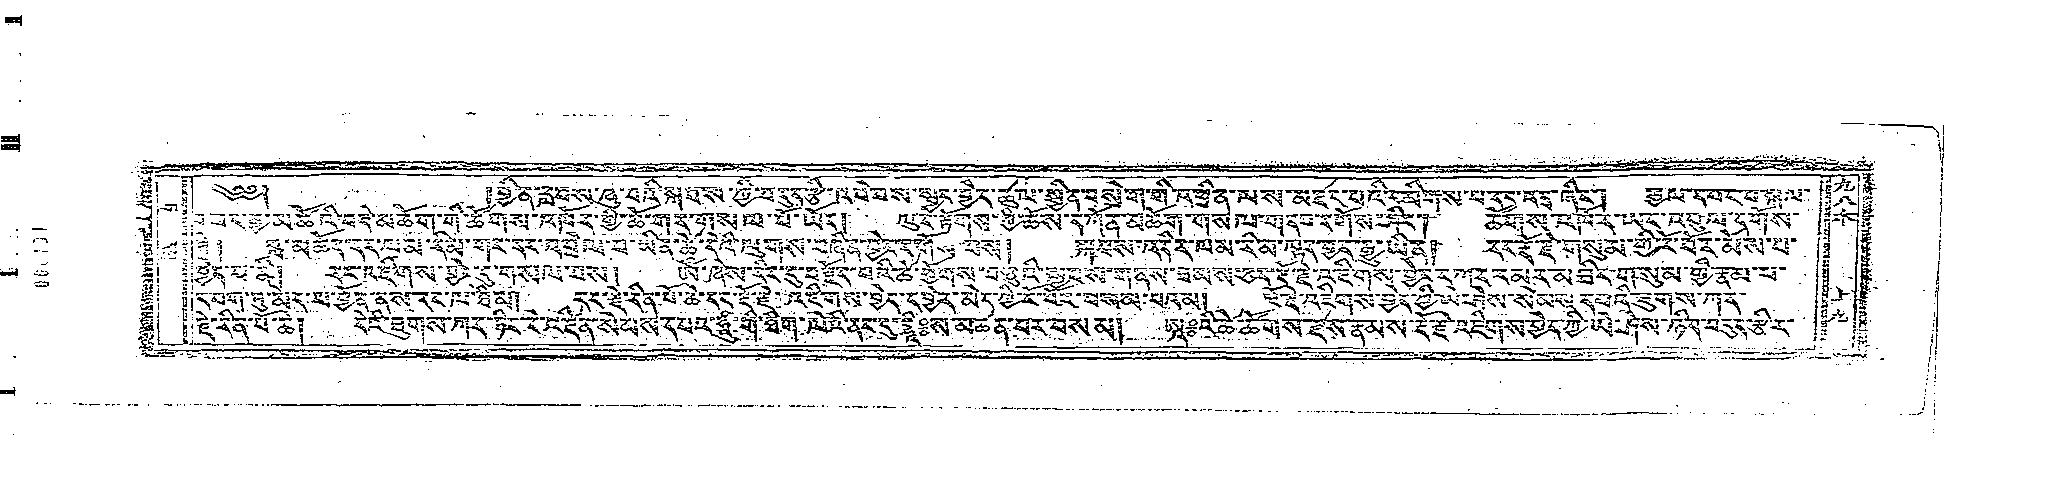༄༅། །བྱིན་རླབས་ཞུ་བའི་སྐབས་ཀྱི་བདུད་རྩི་འབེབས་སྦྱང་བྱེད་ཚུལ་སྦྱིན་བསྲེག་གི་འཕྲིན་ལས་མཛད་པའི་དམིགས་པ་དང་འདྲ་ཞིང་། རྒྱལ་དབང་བསྐལ་
བཟང་རྒྱ་མཚོའི་བདེ་མཆོག་གི་ཚོགས་འཁོར་གྱི་ཆོ་གར་གསལ་པོ་ཡོད། ལུང་རྟོགས་ཀྱི་ཆོས་དཀོན་མཆོག་གསལ་གདབ་དགོས་ཤིང་། ཚོགས་འཁོར་ཡང་འབུལ་དགོས་
ཏེ། བླ་མཆོད་དང་ལམ་རིམ་གང་དང་འབྲེལ་བ་ཡིན་ཚེ་དེའི་ལུགས་བཞིན་བྱེད་དགོས་པས། སྐབས་འདིར་ལམ་རིམ་ལྟར་བྱེད་རྒྱུ་ཡིན། རང་རྡོ་རྗེ་གསུམ་གྱི་ངོ་བོར་མོས་པ་
བྱེད་པ་ནི། རང་འཇིགས་བྱེད་དུ་གསལ་བས། ཨོཾ་ཞེས་རིང་དུ་བརྗོད་པའི་ཚེ་ཕྱོགས་བཅུའི་སྐྱབས་གནས་ཐམས་ཅད་རྡོ་རྗེ་འཇིགས་བྱེད་དཀར་དམར་མ་ཐིབ་གསུམ་གྱི་རྣམ་པ་
དཔག་ཏུ་མེད་པ་བྱོན་ནས་རང་ལ་ཐིམ། རང་རྗེ་རིན་པོ་ཆེ་དང་རྡོ་རྗེ་འཇིགས་བྱེད་དབྱེར་མེད་ཀྱི་ངོ་བོར་བསམ་པའམ། རྡོ་རྗེ་འཇིགས་བྱེད་ཀྱི་ཡེ་ཤེས་སེམས་དཔའི་ཐུགས་ཀར་
རྗེ་རིན་པོ་ཆེ། དེའི་ཐུགས་ཀར་ཏིང་ངེ་འཛིན་སེམས་དཔའ་ཧཱུཾ་གི་ཐིག་ལེའི་ནད་དུ་དྷཱིཿ་ས་མཚན་བར་བསམ། ཨཱཿ་འི་ཚེ་ཚོགས་རྫས་རྣམས་རྡོ་རྗེ་འཇིགས་བྱེད་ཀྱི་ཡེ་ཤེས་ཉིད་བདུད་རྩིར་